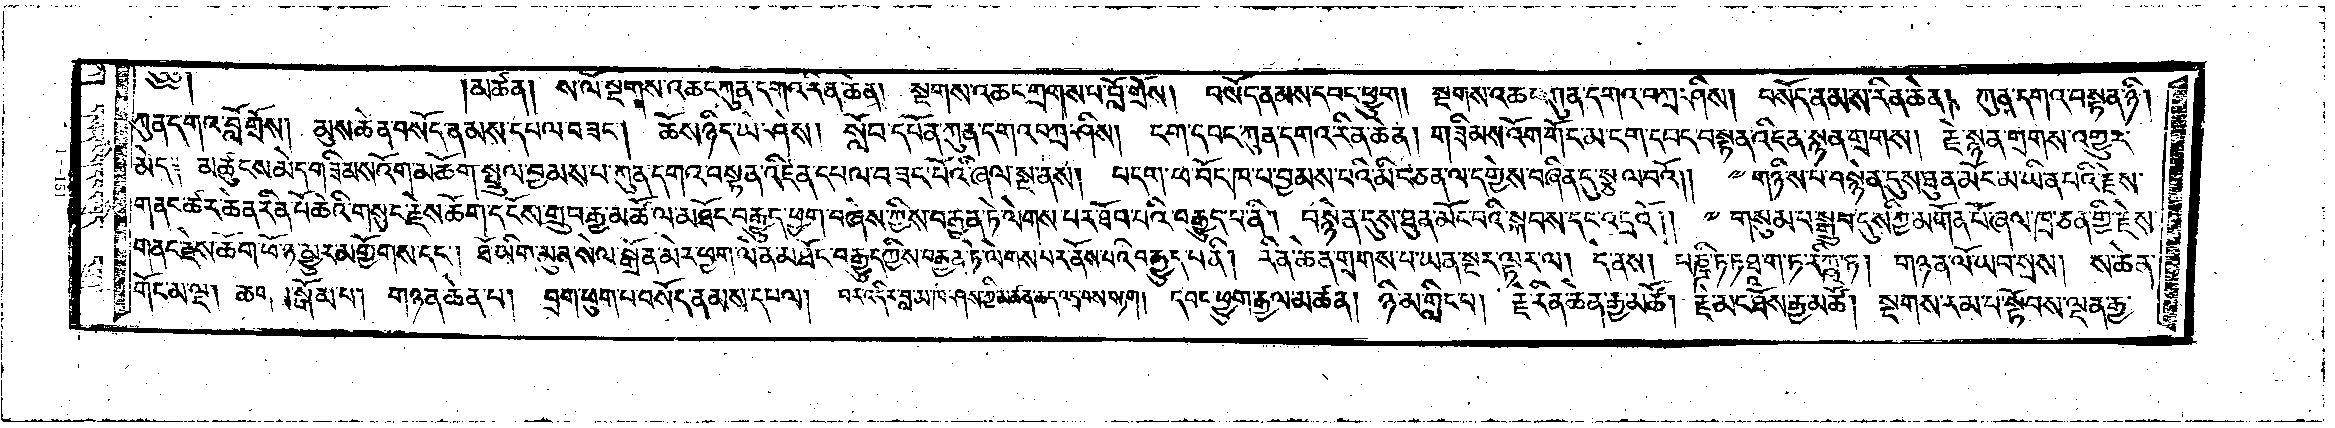༄༅། །མཚན། ས་ལོ་སྔགས་འཆང་ཀུན་དགའ་རིན་ཆེན། སྔགས་འཆང་གྲགས་པ་བློ་གྲོས། བསོད་ནམས་དབང་ཕྱུག །སྔགས་འཆང་ཀུན་དགའ་བཀྲ་ཤིས། བསོད་ནམས་རིན་ཆེན། ཀུན་དགའ་བསྟན་ཉི།
ཀུན་དགའ་བློ་གྲོས། མུས་ཆེན་བསོད་ནམས་དཔལ་བཟང་། ཆོས་ཉིད་ཡེ་ཤེས། སློབ་དཔོན་ཀུན་དགའ་བཀྲ་ཤིས། ངག་དབང་ཀུན་དགའ་རིན་ཆེན། གཟིམས་འོག་གོང་མ་ངག་དབང་བསྟན་འཛིན་སྙན་གྲགས། རྗེ་སྙན་གྲགས་འགྱུར་
མེད༑ མཚུངས་མེད་གཟིམས་འོག་མཆོག་སྤྲུལ་བྱམས་པ་ཀུན་དགའ་བསྟན་འཛིན་དཔལ་བཟང་པོའི་ཞལ་སྔ་ནས། བདག་ཕ་བོང་ཁ་པ་བྱམས་པའི་མིང་ཅན་ལ་དགྱེས་བཞིན་དུ་སྩལ་བའོ།། ༧གཉིས་པ་བསྙེན་དུས་ཐུན་མོང་མ་ཡིན་པའི་རྗེས་
གནང་ཚར་ཆེན་རིན་པོ་ཆེའི་གསུང་རྗེས་ཆོག་དངོས་གྲུབ་རྒྱ་མཚོ་ལ་མཐོང་བརྒྱུད་ཕྱག་བཞེས་ཀྱིས་བརྒྱན་ཏེ་ལེགས་པར་ཐོབ་པའི་བརྒྱུད་པ་ནི། བསྙེན་དུས་ཐུན་མོང་བའི་སྐབས་དང་འདྲའོ།། ༧གསུམ་པ་སྒྲུབ་དུས་ཀྱི་མགོན་པོ་ཞལ་ཁྲ་ཅན་གྱི་རྗེས་
གནང་རྗེས་ཆོག་ཕོ་ཉ་མྱུག་མགྱོགས་དང་། ཐོ་ཡིག་མུན་སེལ་སྒྲོན་མེར་ཕྱག་ལེན་མཐོང་བརྒྱུད་ཀྱིས་བརྒྱན་ཏེ་ལེགས་པར་ནོས་པའི་བརྒྱུད་པ་ནི། རིན་ཆེན་གྲགས་པ་ཡན་སྔར་ལྟར་ལ། དེ་ནས། པཎྜི་ཏ་ཏ་ཐཱ་ག་ཏ་རིཀྵ་ཏ། གཉན་ལོ་ཡབ་སྲས། ས་ཆེན་
གོང་མ་ལྔ། ཆགས་སྒོམ་པ། གཉན་ཆེན་པ། བྲག་ཕུག་པ་བསོད་ནམས་དཔལ། བར་འདིར་བླ་མ་ཁ་ཤས་ཀྱི་མཚན་ཆད་འདྲ་བས་བརྟག །  དབང་ཕྱུག་རྒྱལ་མཚན། ཉི་མ་གླིང་པ། རྗེ་རིན་ཆེན་རྒྱ་མཚོ། རྗེ་མང་ཐོས་རྒྱ་མཚོ། སྔགས་རམ་པ་སྟོབས་ལྡན་རྒྱ་